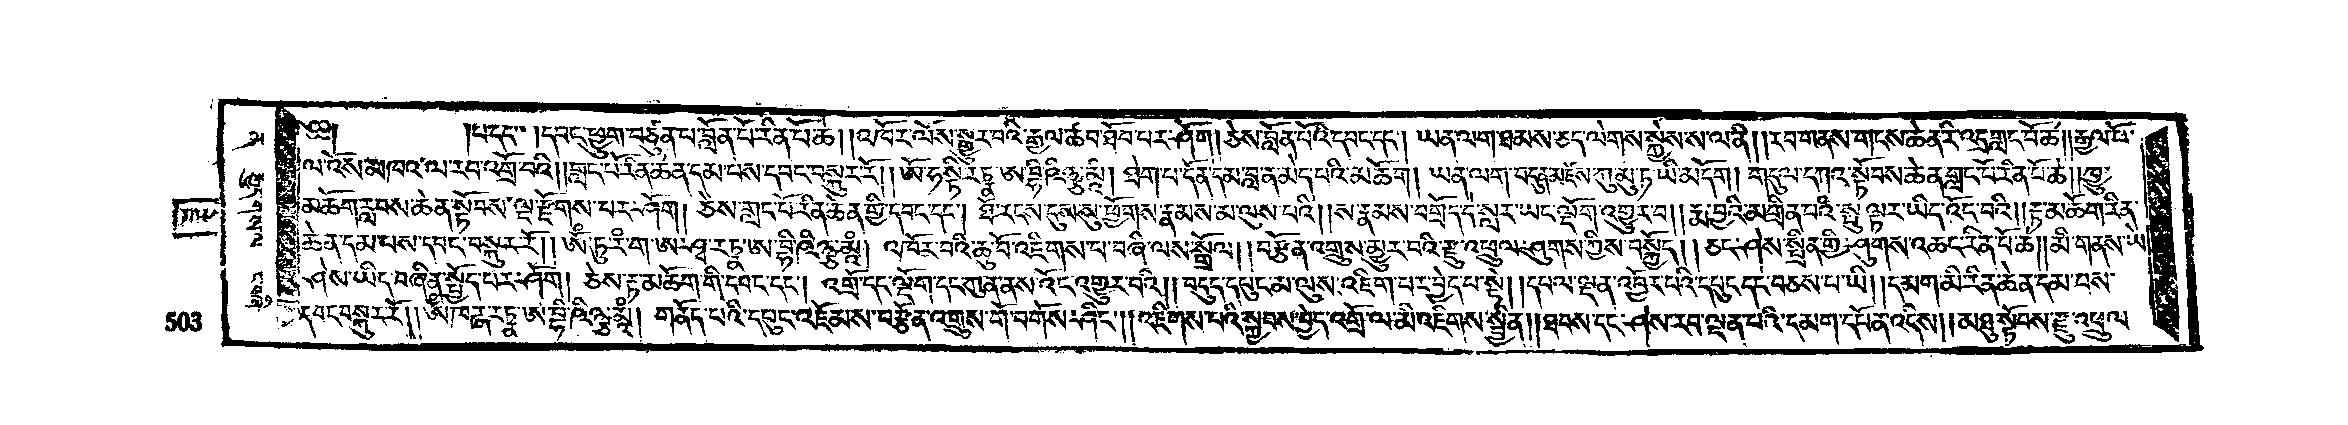༄༅། །པ་དང་། །དབང་ཕྱུག་བཙུན་པ་བློན་པོ་རིན་པོ་ཆེ། །འཁོར་ལོས་སྒྱུར་བའི་རྒྱལ་ཚབ་ཐོབ་པར་ཤོག །ཅེས་བློན་པོའི་དབང་དང་། ཡན་ལག་ཐམས་ཅད་ལེགས་སྐྱེས་ས་ལ་ནི། །རབ་གནས་གངས་ཆེན་རི་འདྲ་གླང་པོ་ཆེ། །རྒྱལ་པོ་
ལ་འོས་མཁའ་ལ་རབ་འགྲོ་བའི། །གླང་པོ་རིན་ཆེན་དམ་པས་དབང་བསྐུར་རོ། །ཨོཾ་ཧ་སྟི་རཏྣ་ཨ་བྷི་ཥིཉྩ་མཱཾ། ཐེག་པ་དོན་དམ་བླ་ན་མེད་པའི་མཆོག །ཡན་ལག་བདུན་མཛེས་ཀུ་མུ་ཏ་ཡི་མདོག །གདུལ་དཀའ་སྟོབས་ཆེན་གླང་པོ་རིན་པོ་ཆེ། །ཁྱུ་
མཆོག་རླབས་ཆེན་སྟོབས་ལྔ་རྫོགས་པར་ཤོག །ཅེས་གླང་པོ་རིན་ཆེན་གྱི་དབང་དང་། ཐོ་རངས་དུས་སུ་ཕྱོགས་རྣམས་མ་ལུས་པའི། །ས་རྣམས་བགྲོད་དེ་སླར་ཡང་ལྡོག་འགྱུར་བ། །རྨ་བྱའི་མགྲིན་པའི་སྤུ་ལྟར་ཡིད་འོང་བའི། །རྟ་མཆོག་རིན་
ཆེན་དམ་པས་དབང་བསྐུར་རོ། །ཨོཾ་ཏུ་རཾ་ག་ཨ་ཤྭ་རཏྣ་ཨ་བྷི་ཥིཉྩ་མཱཾ། འཁོར་བའི་ཆུ་བོ་འཇིགས་པ་བཞི་ལས་སྒྲོལ། །བརྩོན་འགྲུས་མྱུར་བའི་རྫུ་འཕྲུལ་ཤུགས་ཀྱིས་བསྐྱོད། །ཅང་ཤེས་སྤྲིན་གྱི་ཤུགས་འཆང་རིན་པོ་ཆེ། །མི་གནས་ཡེ་
ཤེས་ཡིད་བཞིན་སྤྱོད་པར་ཤོག །ཅེས་རྟ་མཆོག་གི་དབང་དང་། འགྲོ་དང་ལྡོག་དང་ཀུན་ནས་འོང་འགྱུར་བའི། །བདུད་དཔུང་མ་ལུས་འཇིག་པར་བྱེད་པ་སྟེ། །དཔལ་ལྡན་འབྱོར་བའི་དཔུང་དང་བཅས་པ་ཡི། །དམག་མི་རིན་ཆེན་དམ་པས་
དབང་བསྐུར་རོ། །ཨོཾ་ཁཌྒ་རཏྣ་ཨ་བྷི་ཥིཉྩ་མཱཾ། གནོད་པའི་དཔུང་འཇོམས་བརྩོན་འགྲུས་གོ་བགོས་ཤིང་། །འཇིགས་པའི་སྐྱབས་བྱེད་འགྲོ་ལ་མི་འཇིགས་སྦྱིན། །ཐབས་དང་ཤེས་རབ་ལྡན་པའི་དམག་དཔོན་འདིས། །མཐུ་སྟོབས་རྫུ་འཕྲུལ་